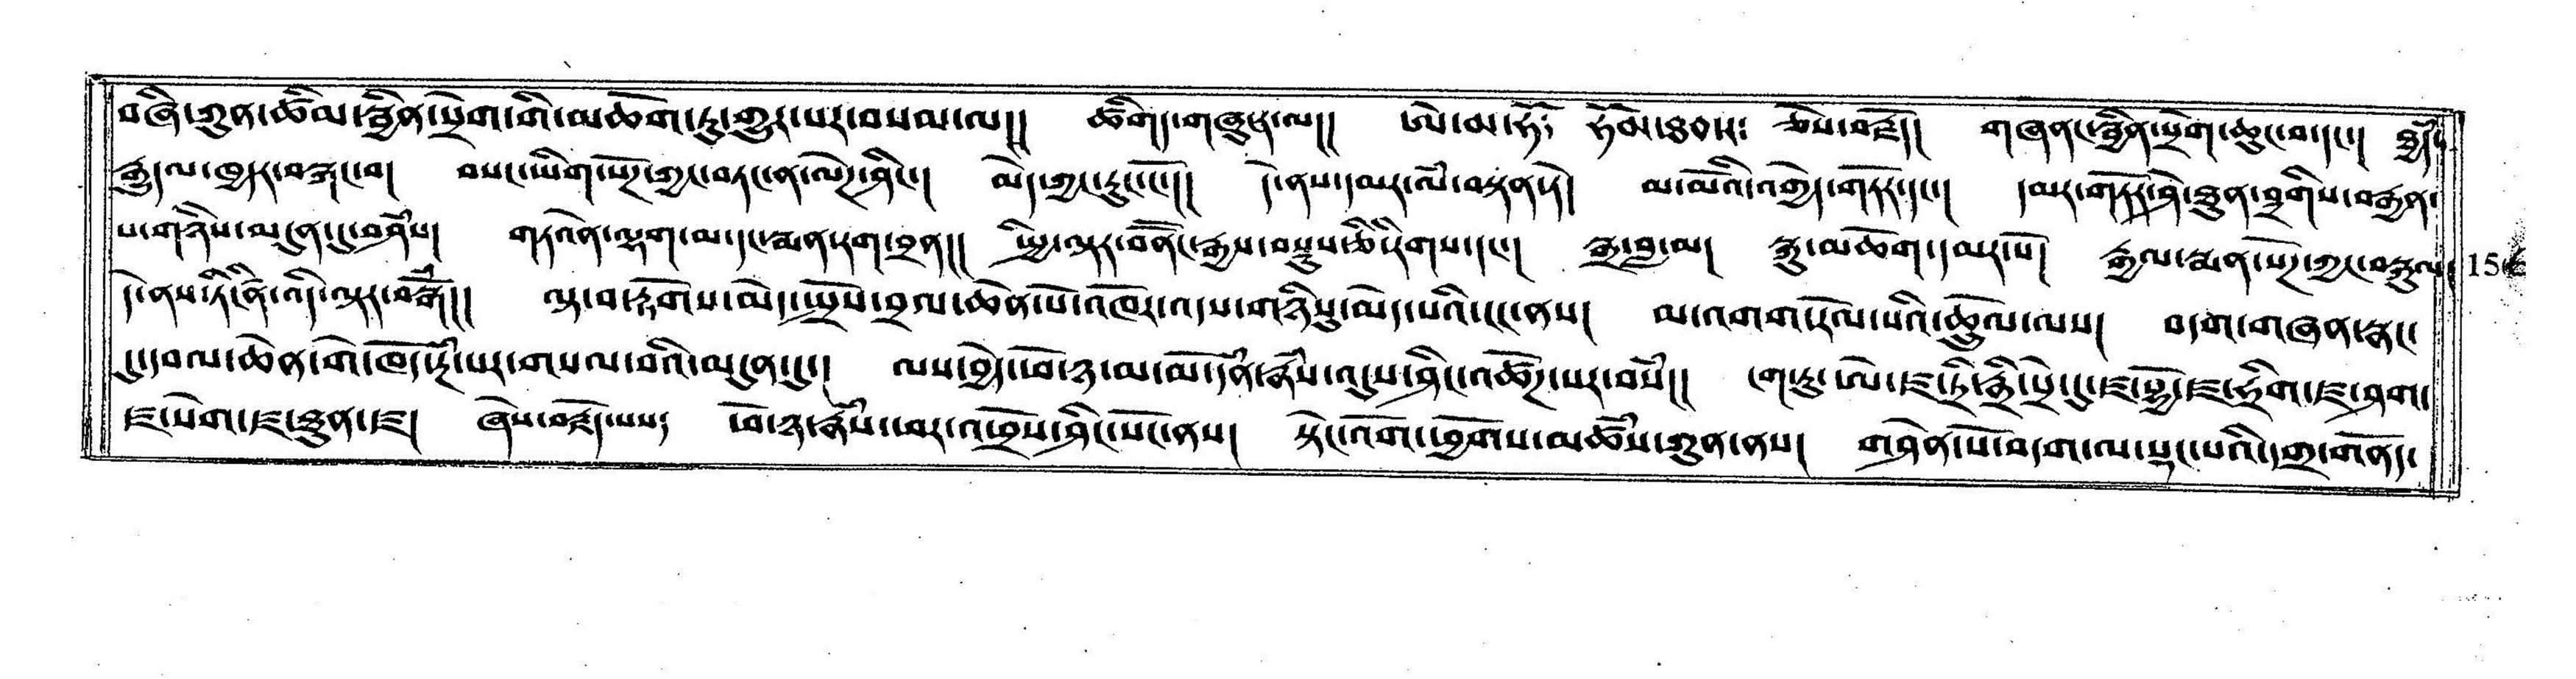བཞི་ཀུན་ཚིམ་སྦྱིན་སྲེག་གི་མཆོག་ཏུ་གྱུར་པར་བསམ་ལ།། ཚིག་བཤད་གཞུང་ལྟར་ལ། ཨེ་མ་ཧོ། ཧོམ་ཐབས༴ ཅེས་བརྗོད།། གཞན་ཡང་སྦྱིན་སྲེག་ཆུང་བ་དང་། ཐུགས་དམ་
རྒྱུད་བསྐུལ་ཁྱད་པར་བསྐང་བ། བསང་ཡིག་སོགས་ཀྱང་བཏང་ན་ལེགས་ཤིང་། མེད་ཀྱང་རུང་ངོ་།། དེ་ནས་དམར་ལམ་བསྟན་ཏེ། མ་མོའི་འགྱེད་གཏོར་དང་། དམར་གཏོར་ཤེ་ཐུན་ཤ་ཁྲག་གིས་བརྒྱན་
པ་གཉིས་མདུན་དུ་བཤམས། གཏའ་ཆེན་ལྷག་མ་དང་སྨན་རག་བྲན།། སྤྱི་ལྟར་བོན་སྐྱོང་རྒྱས་བསྡུས་ཅི་རིགས་དང་། སྒྲ་བླ་མ། སྐུ་མཆོག་དམར་པོ། རྒྱལ་སྨན་སོགས་ཀྱང་བསྐུལ། 
དེ་ནས་ཏིང་འཛིན་འདི་ལྟར་བསྒོམ།། ལྟ་བ་རྟོག་མེད་སྤྲོས་བྲལ་ཆེན་པོ་འཁོར་འདས་གཉིས་སུ་མེད་པའི་ངང་ནས། མ་འགག་རོལ་པའི་ཆོ་འཕྲུལ་ལས། བདག་གཞན་སྣང་
དུ་དབལ་ཆེན་གེ་ཁོད་རྔམ་པར་གསལ་བའི་མདུན་དུ། ལས་བྱེད་ཕོ་ཉ་མ་མོ་དམ་ཅན་རྣམས་འདུས་ཤིང་འཚོགས་པར་བསམ།། ངག་ཏུ་ཨེ་ཛ་ཏྲི་རྣྲི་པྲེ་དུ་ཛ་བྷྱོ་ཛ་ཧྲིག་ཛ་ཤག་
ཛ་སེག་ཛ་ཐུན་ཛ། ཞེས་བརྗོད་པས། ཕོ་ཉ་རྣམས་ཕར་འཕྲོས་ཤིང་སོང་ནས། སྟེང་འོག་ཕྱོགས་མཚམས་ཀུན་ནས། གཤེན་པོ་བདག་ལ་སྡང་པའི་དགྲ། གནོད་